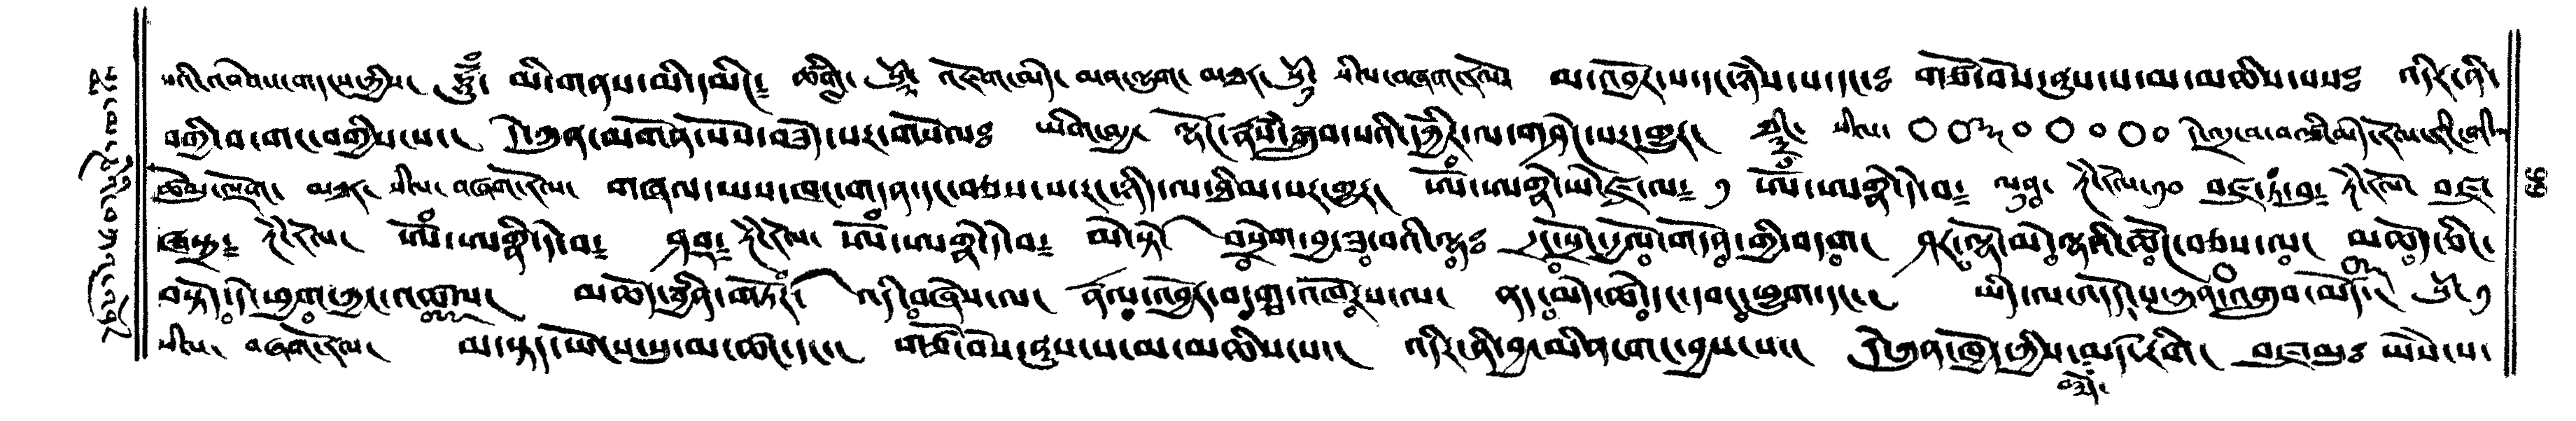པའི་འབེབས་གདངས་ཀྱིས། ཧཱུྃ། མི་གནས་མི་དམིགས༴ ཚིག་བཞི། སུམ་གཉིས། འཇོག་མེད། མན་ལྷུག་མཐར། སུམ་གཅིག སིལ་བཞག་རོལ། མ་འབྱོར་པ་དང་ཉམས་པ་དང་། །གཙོ་བོས་ནུས་པ་མ་མཆིས་པས། །འདིར་ནི་
བགྱི་བ་གང་ནོངས་པ། །དེ་ཀུན་མགོན་པོས་བཟོད་པར་གསོལ། ཡིག་བརྒྱ། ལྷ་ཚོགས་རྣམས་སྒྲུབ་པའི་དཀྱིལ་འཁོར་ལ་གཤེགས་པར་གྱུར། ཐིང་གསུམ། སིལ། དེ་འདྲ་བ་རྩེ་མེད་རོལ་རིང་གི་
ཚོམ་བུ་ལྡོག མཐར་སིལ། བཞག་རོལ། གཞལ་ཡས་ཁང་གདན་དང་བཅས་པ་རང་ཉིད་ལ་ཐིམ་པར་གྱུར། ཨོཾ་ཨགྣེ་ཡེ་ཛྭ་ལ༴ ཨོཾ་ཨགྣེ་དེ་བ༴ ལན་བཅུ། རྔམ་རོལ། བཛྲ་
ཏཾ་བུ༴ རྔམ་རོལ། བཛྲ་ཝ་སྟྲ༴ རྔམ་རོལ། ཨོཾ་ཨགྣི་དེ་བ༴ ཤབྡ༴ རྔམ་རོལ། ཨོཾ་ཨགྣེ་དེ་བ༴ མེ་སྟེ་བསྲེག་བྱ་ཟ་བའི་ལྷ། །དྲང་སྲོང་རྒྱལ་པོ་གདོན་གྱི་བདག །ཤར་ལྷོ་མེ་ལྷའི་ཚོགས་བཅས་ལ། །མཆོད་ཅིང་
བསྟོད་དེ་ཕྱག་ཀྱང་འཚལ། །མཆོད་སྦྱིན་གཏོར་མ་འདི་བཞེས་ལ། །རྣལ་འབྱོར་བདག་འཁོར་བཅས་ལ། །ནད་མེད་ཚེ་དང་དབང་ཕྱུག་དང་། ནས། ཡིད་ལ་འདོད་པ་ཀུན་འགྲུབ་མཛོད། སུམ་གཅིག 
སིལ། བཞག་རོལ། མ་རྙེད་ཡོངས་སུ་མ་ཚང་དང་། །གཙོ་བོ་ནུས་པ་མ་མཆིས་པས། །འདིར་ནི་བྱ་མིན་གང་བྱས་པ། །དེ་ཀུན་ཁྱོད་ཀྱིས་བཟོད་མཛད་རིགས། བཛྲ་མུཿ ཡེ་ཤེས་པ་